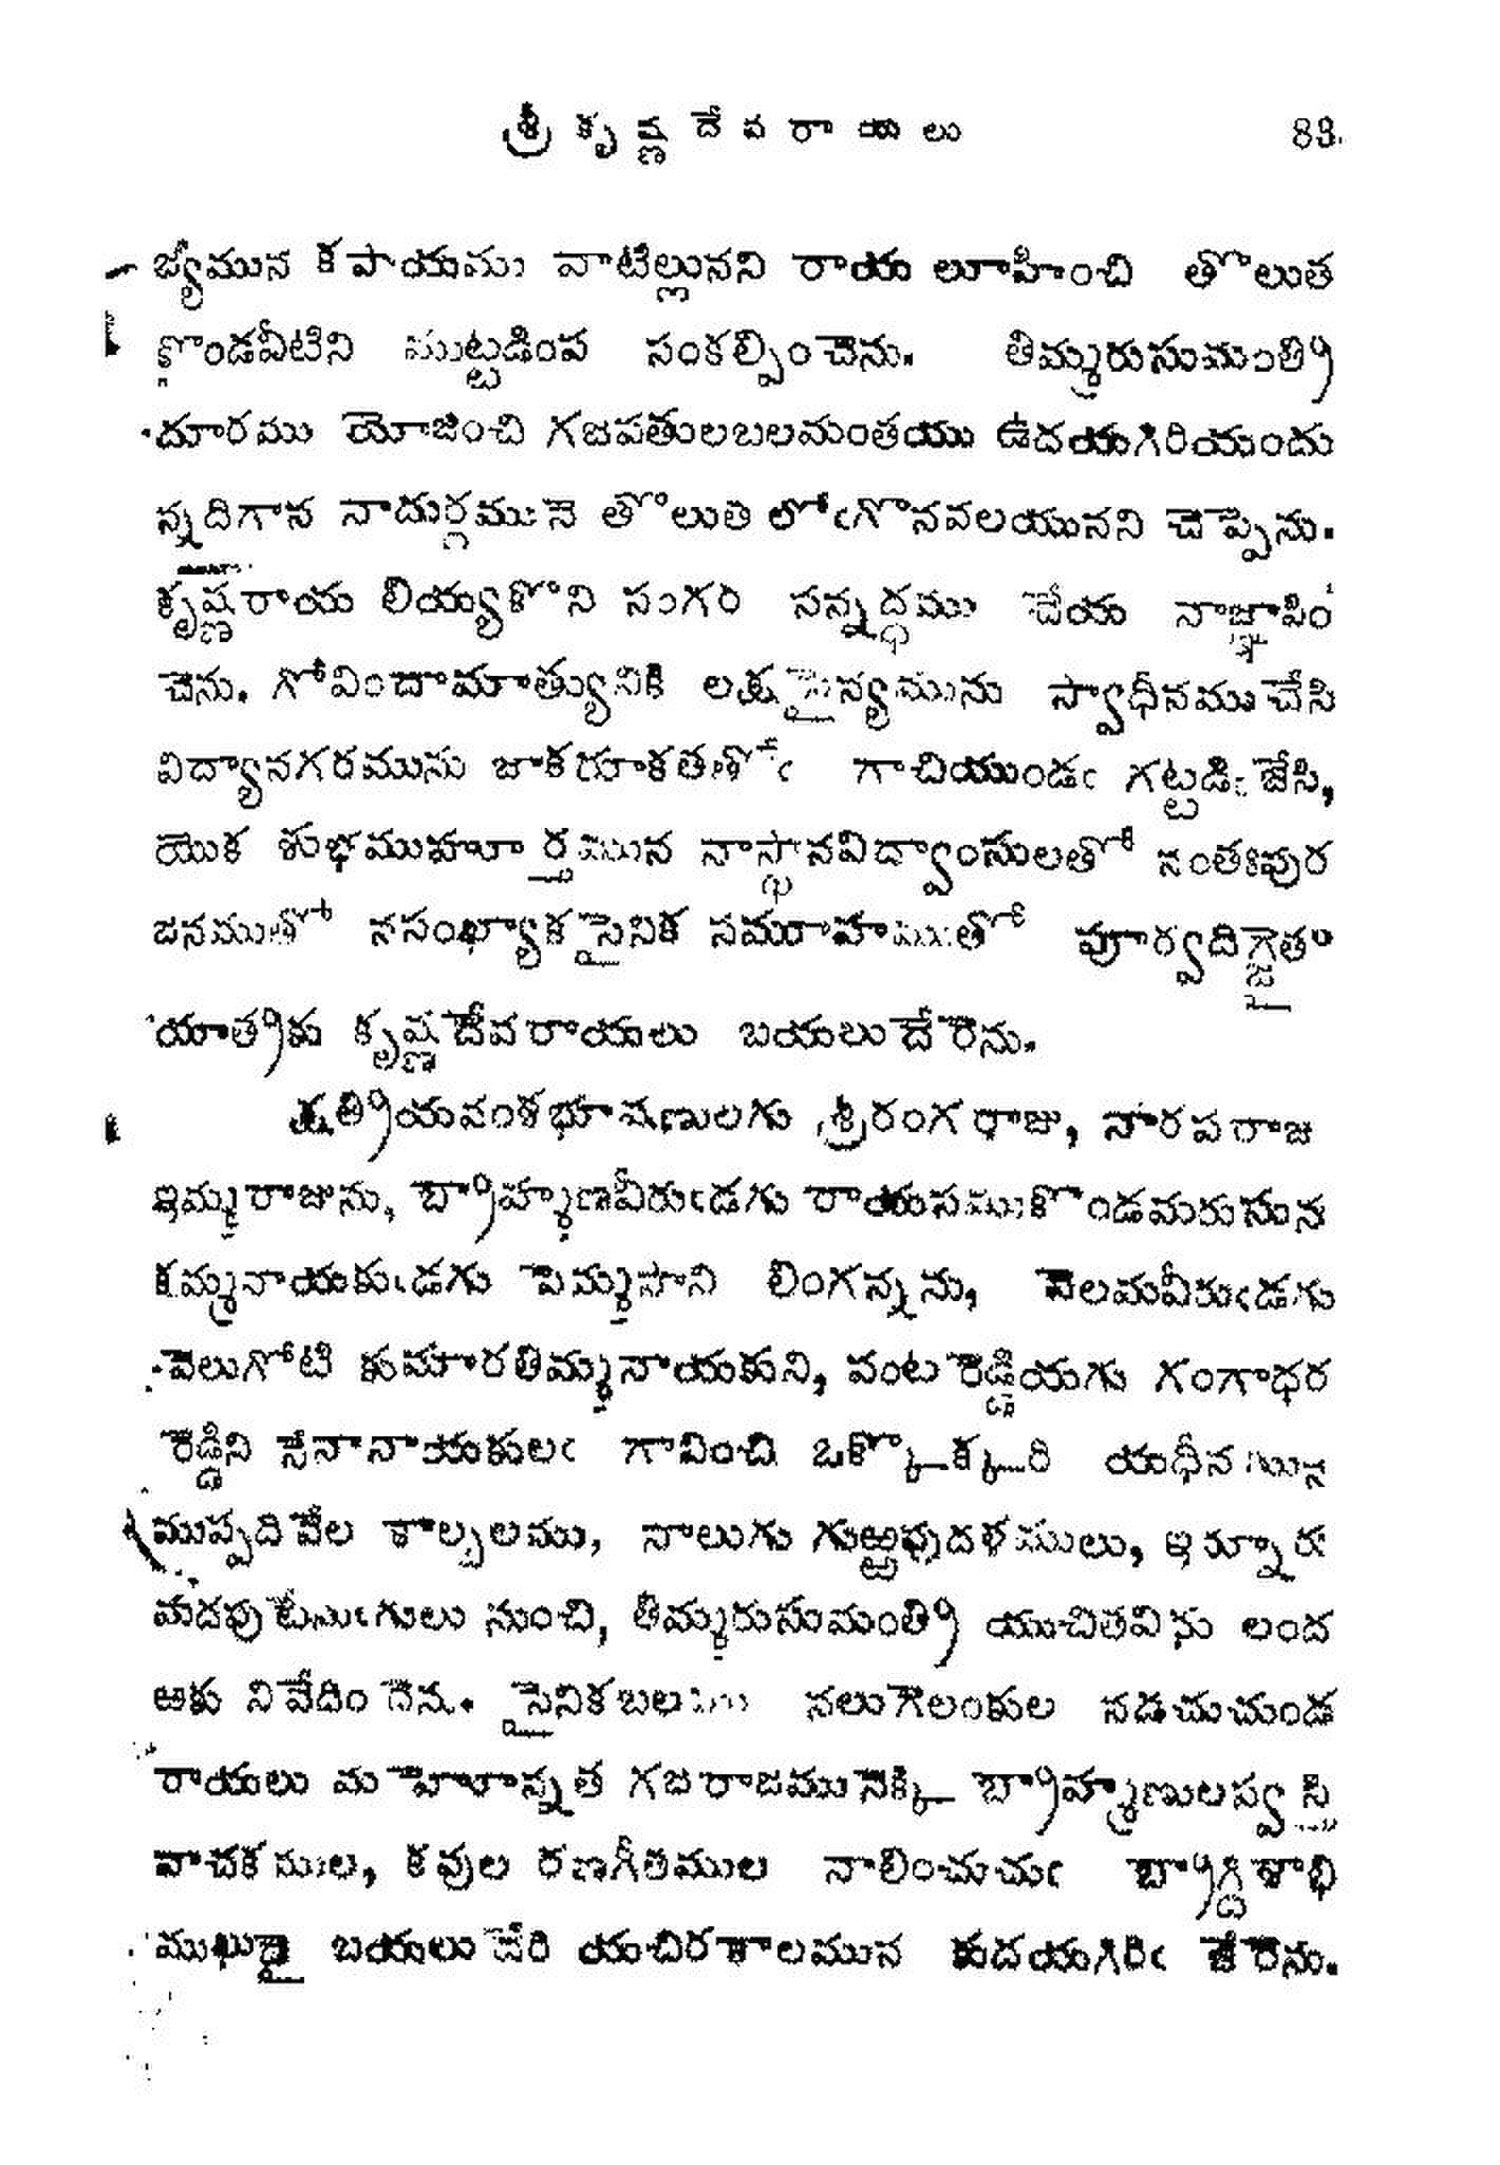జ్యమున కపాయము వాటిల్లునని రాయ లూహించి తొలుత కొండవీటిని ముట్టడింప సంకల్పించెను. తిమ్మరుసుమంత్రి దూరము యోజించి గజపతులబలమంతయు ఉదయగిరియందున్నదిగాన నాదుర్గమునె తొలుత లోగొనవలయునని చెప్పెను. కృష్ణరాయ లియ్యకొని సంగర సన్నధము చేయ నజ్ఞాపించెను. గోవిందామాత్యునికి లక్షసైన్యమును స్వాధీనముచేసి విద్యానగరమును జాకరూకతో గాచియుండ గట్టడి జేసి, యొక శుభముహూర్తమున నాస్థానవిద్వాంసులతో నంత:పురజనముతో ససంఖ్యాకసైనిక సమూహముతో పూర్వదిగ్జైత యాత్రకు కృష్ణదేవరాయలు బయలుదేరెను.

క్షత్రియవంశభూషణులగు శ్రీరంగరాజు, నారపరాజ ఇమ్మరాజును, బ్రాహ్మణవీరుడగు రాయసము కొండమరుసున, కమ్మనాయకుడగు పెమ్మసాని లింగన్నను, వెలమవీరుడగు వెలుగోటి కుమారతిమ్మనాయకుని, పంట రెడ్డియగు గంగాధర రెడ్డిని సేనానాయకుల గావించి ఒక్కొక్కరి యధీనమున ముప్పదివేల కాల్బలము, నాలుగు గుఱ్ఱపుదళములు, ఇన్నూరు మదపుటేనుగులు నుంచి, తిమ్మరుసుమంత్రి యుచితవిధు లందఱకు నివేదించెను. సైనికబలము నలుగెలంకుల నడచుచుండ రాయలు మహోన్నత గజరాజమునెక్కి బ్రాహ్మణులస్వస్తి వాచకముల, కవుల రణగీతముల నాలించుచు బ్రాగ్దిశాభిముఖుడై బయలుదేరి యచిరకాలమున కుదయగిరి జేరెను.